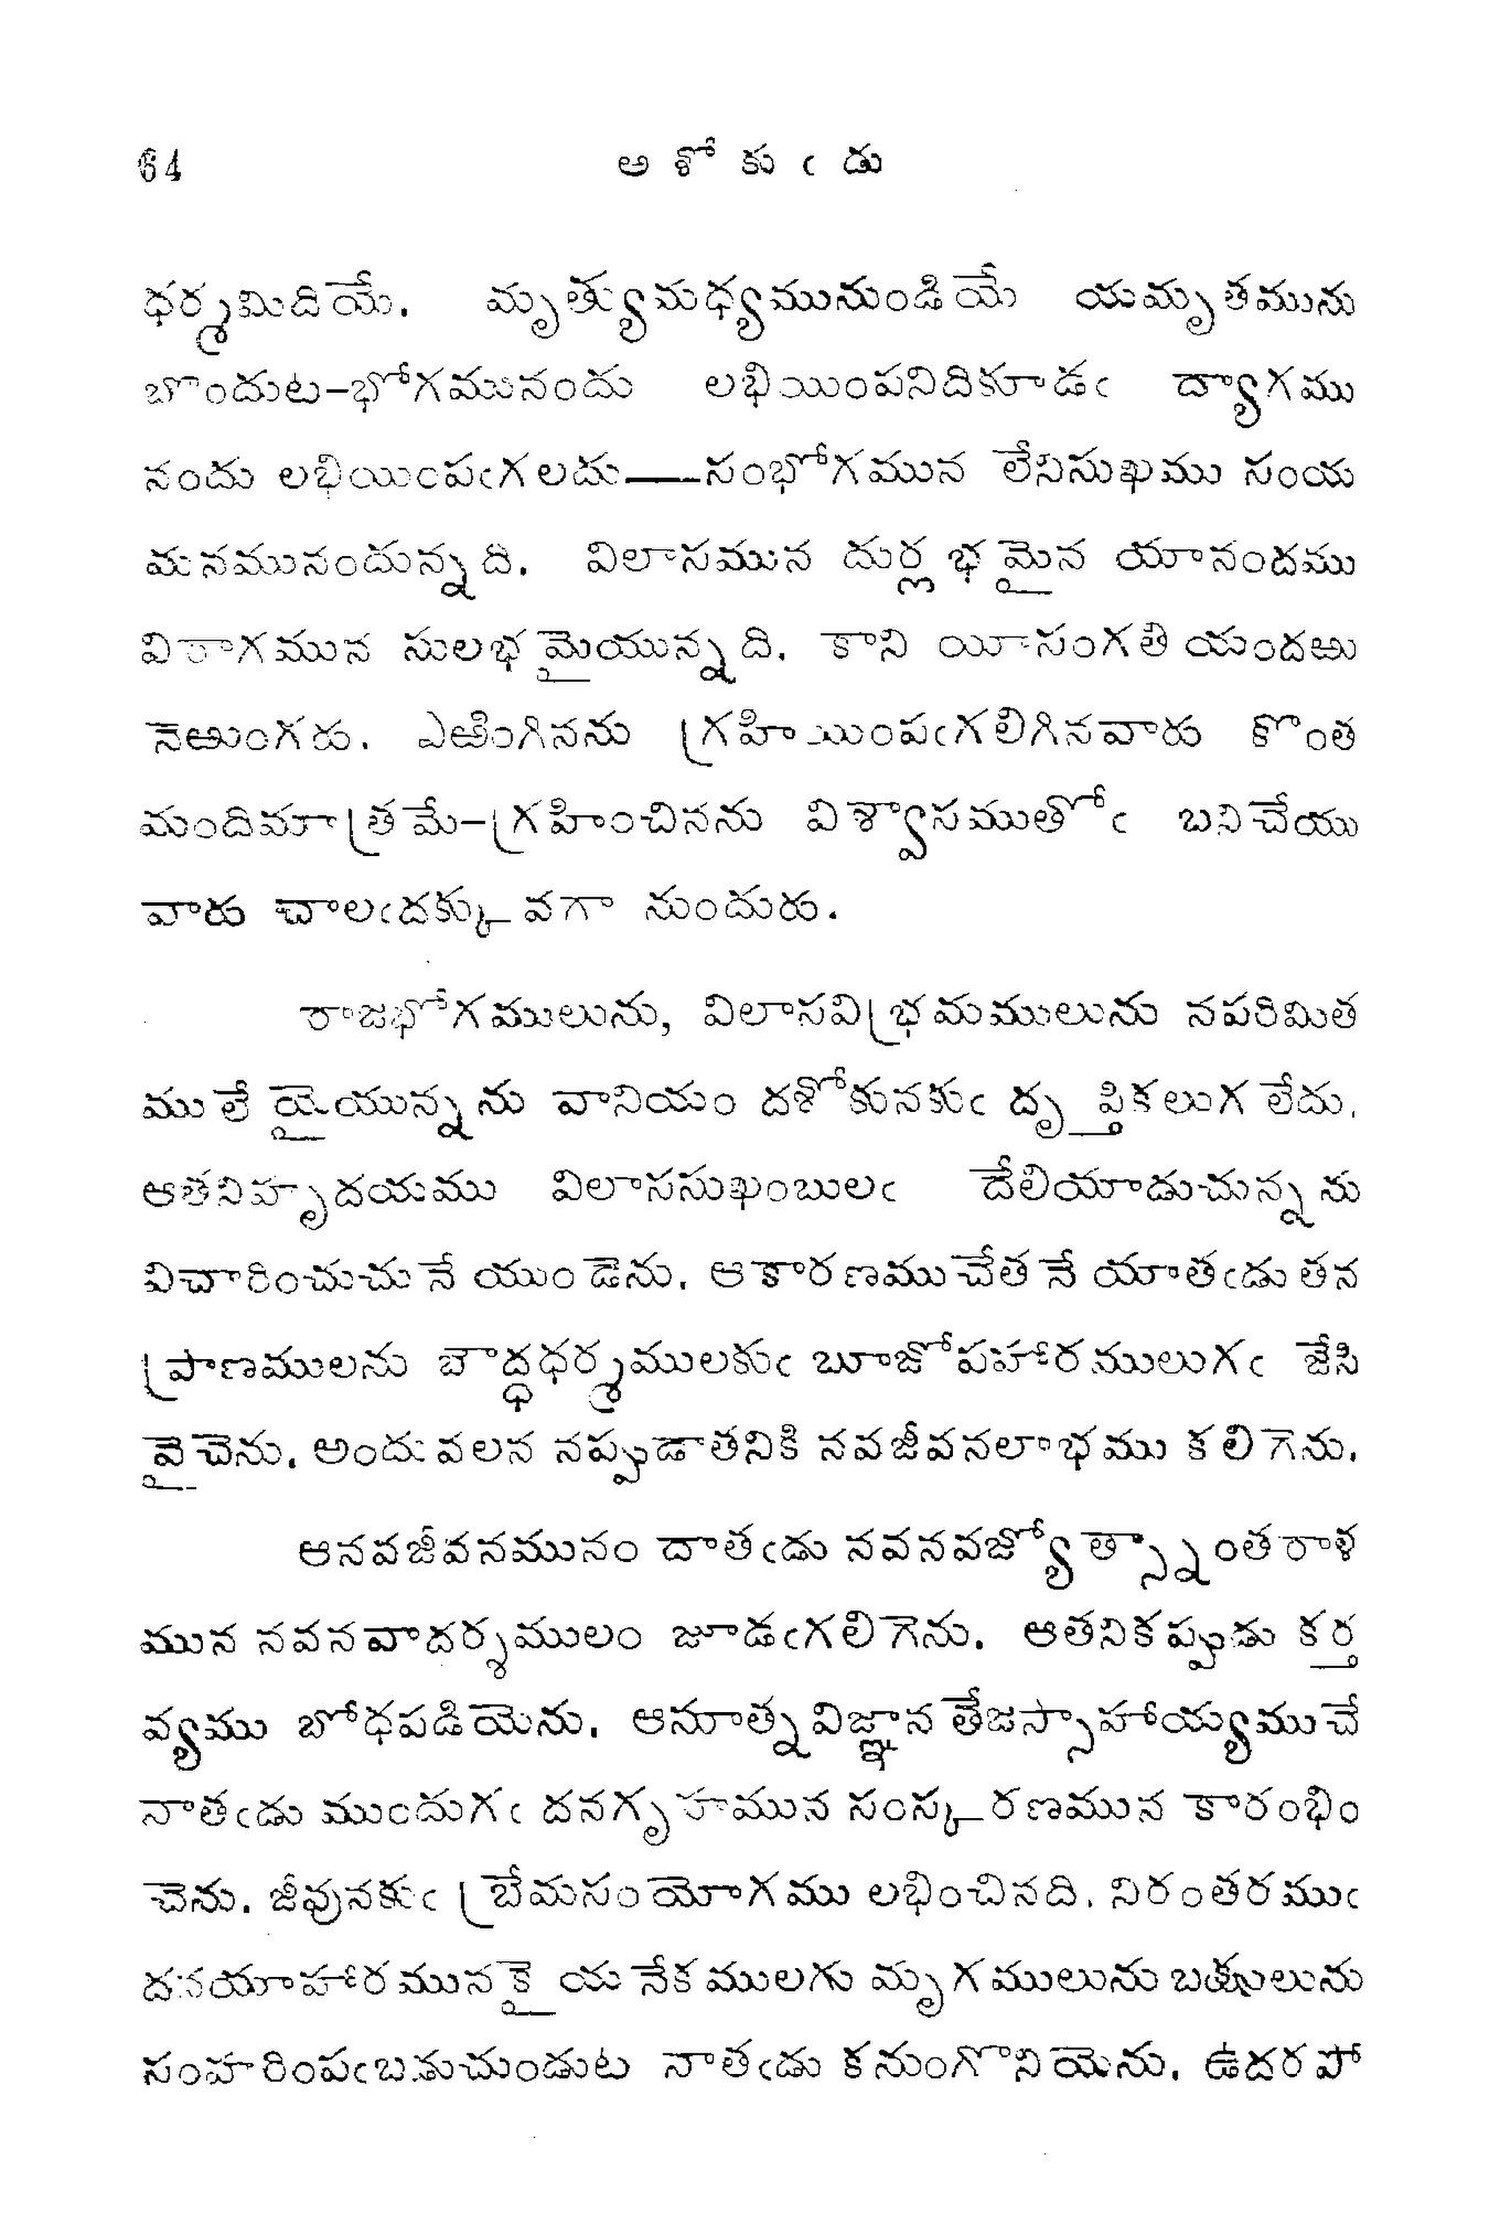ధర్మమిదియే. మృత్యు మధ్యమునుండి యే యమృతమును బొందుట-భోగమునందు లభియింపనిది కూడఁ ద్యాగము నందు లభియింపఁగలదు. --సంభోగమున లేనిసుఖము సంయమనమునందున్నది. విలాసమున దుర్లభమైన యానందము విరాగమున సులభమైయున్నది. కాని యీ సంగతి యందఱు నెఱుంగరు. ఎఱింగినను గ్రహియింపఁ గలిగినవారు కొంతమంది మాత్రమే-గ్రహించినను విశ్వాసముతోఁ బని చేయువారు చాలఁదక్కువగా నుందురు.

రాజభోగములును, విలాసవిభ్రమములును నపరిమితము లే యైయున్నను వానియం దశోకునకుఁ దృప్తికలుగ లేదు, ఆతని హృదయము విలాససుఖంబులఁ దేలియాడుచున్నను
విచారించుచు నే యుండెను. ఆ కారణము చేత నే యాతఁడు తన ప్రాణములను బౌద్ధధర్మములకుఁ బూజోపహారములుగఁ జేసి వైచెను. అందువలన నప్పుడాతనికి నవజీవనలాభము కలిగెను.

ఆనవజీవనమునం దాతఁడు నవనవజ్యోత్స్నాంత రాళమున నవనవాదర్శములం జూడఁగలిగెను. ఆతనికప్పుడు కర్తవ్యము బోధపడి యెను. ఆనూత్న విజ్ఞాన తేజస్సాహయ్యము చే నాతఁడు ముందుగఁ దనగృహమున సంస్కరణమున కారంభించెను. జీవునకుఁ బ్రేమసంయోగము లభించినది. నిరంతరముఁ ద నయాహారమునకై య నేకములగు మృగములును బక్షులును సంహరింపఁబడుచుండుట నాతఁడు కనుంగొనియెను, ఉదరపో